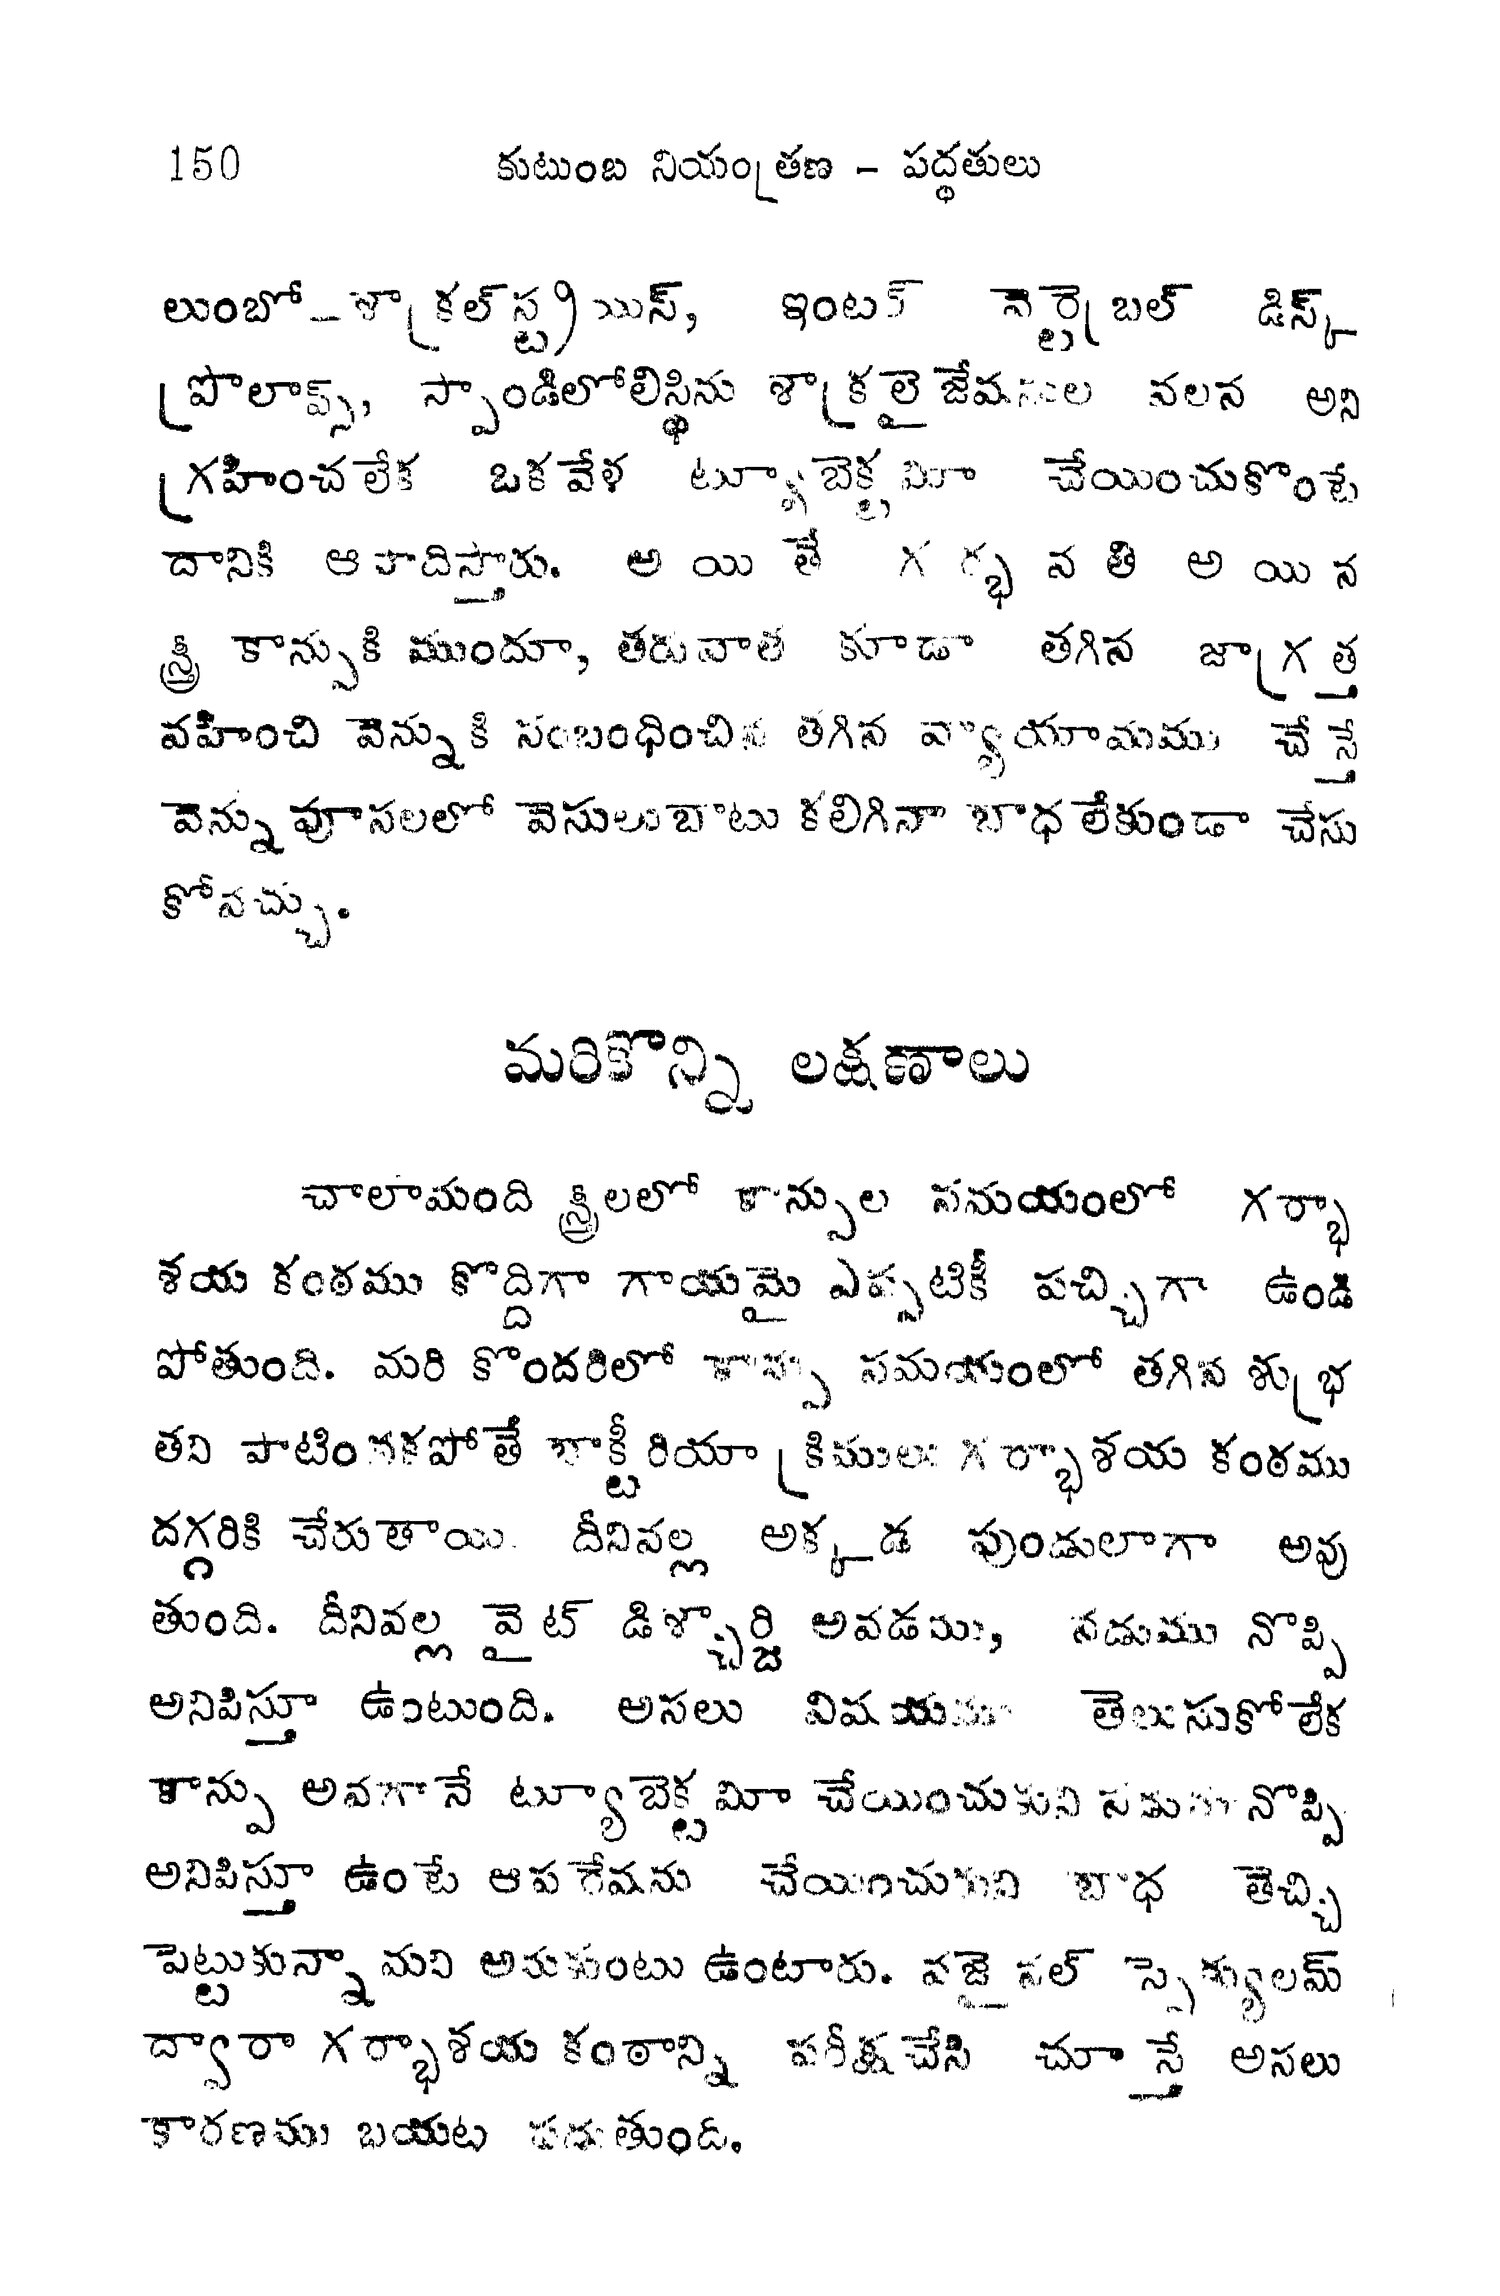లుంబో - శాక్రల్‌స్ట్రయిస్ , ఇంటర్ వెర్టెబ్రల్ డిస్కు ప్రొలాప్స్, స్పాండిలోలిస్థిను శాక్రలైజేషనుల వలన అని గ్రహించలేక ఒకవేళ ట్యూబెక్టమీ చేయించుకొంటే దానికి ఆపాదిస్తారు. అయితే గర్భవతి అయిన స్త్రీ కాన్పుకి ముందూ, తరువాత కూడా తగిన జాగ్రత్త వహించి వెన్నుకి సంబంధించిన తగిన వ్యాయామము చేస్తే వెన్నుపూసలలో వెసులుబాటు కలిగినా బాధలేకుండా చేసుకోవచ్చు.

చాలామంది స్త్రీలలో కాన్పుల సమయంలో గర్భాశయ కంఠము కొద్దిగా గాయమై ఎప్పటికీ పచ్చిగా ఉండి పోతుంది. మరి కొందరిలో కాన్పు సమయంలో తగిన శుభ్రతని పాటించకపోతే బాక్టీరియా క్రిములు గర్భాశయ కంఠము దగ్గరికి చేరుతాయి. దీనివల్ల అక్కడ పుండులాగా అవుతుంది. దీనివల్ల వైట్ డిశ్చార్జి అవడము, నడుము నొప్పి అనిపిస్తూ ఉంటుంది. అసలు విషయము తెలుసుకోలేక కాన్పు అవగానే ట్యూబెక్టమీ చేయించుకుని నడుమునొప్పి అనిపిస్తూ ఉంటే ఆపరేషను చేయించుకుని బాధ తెచ్చి పెట్టుకుంటున్నామని అనుకుంటు ఉంటారు. వజైనల్ స్పెక్యులమ్ ద్వారా గర్భాశయ కంఠాన్ని పరీక్షచేసి చూస్తే అసలు కారణము బయట పడుతుంది